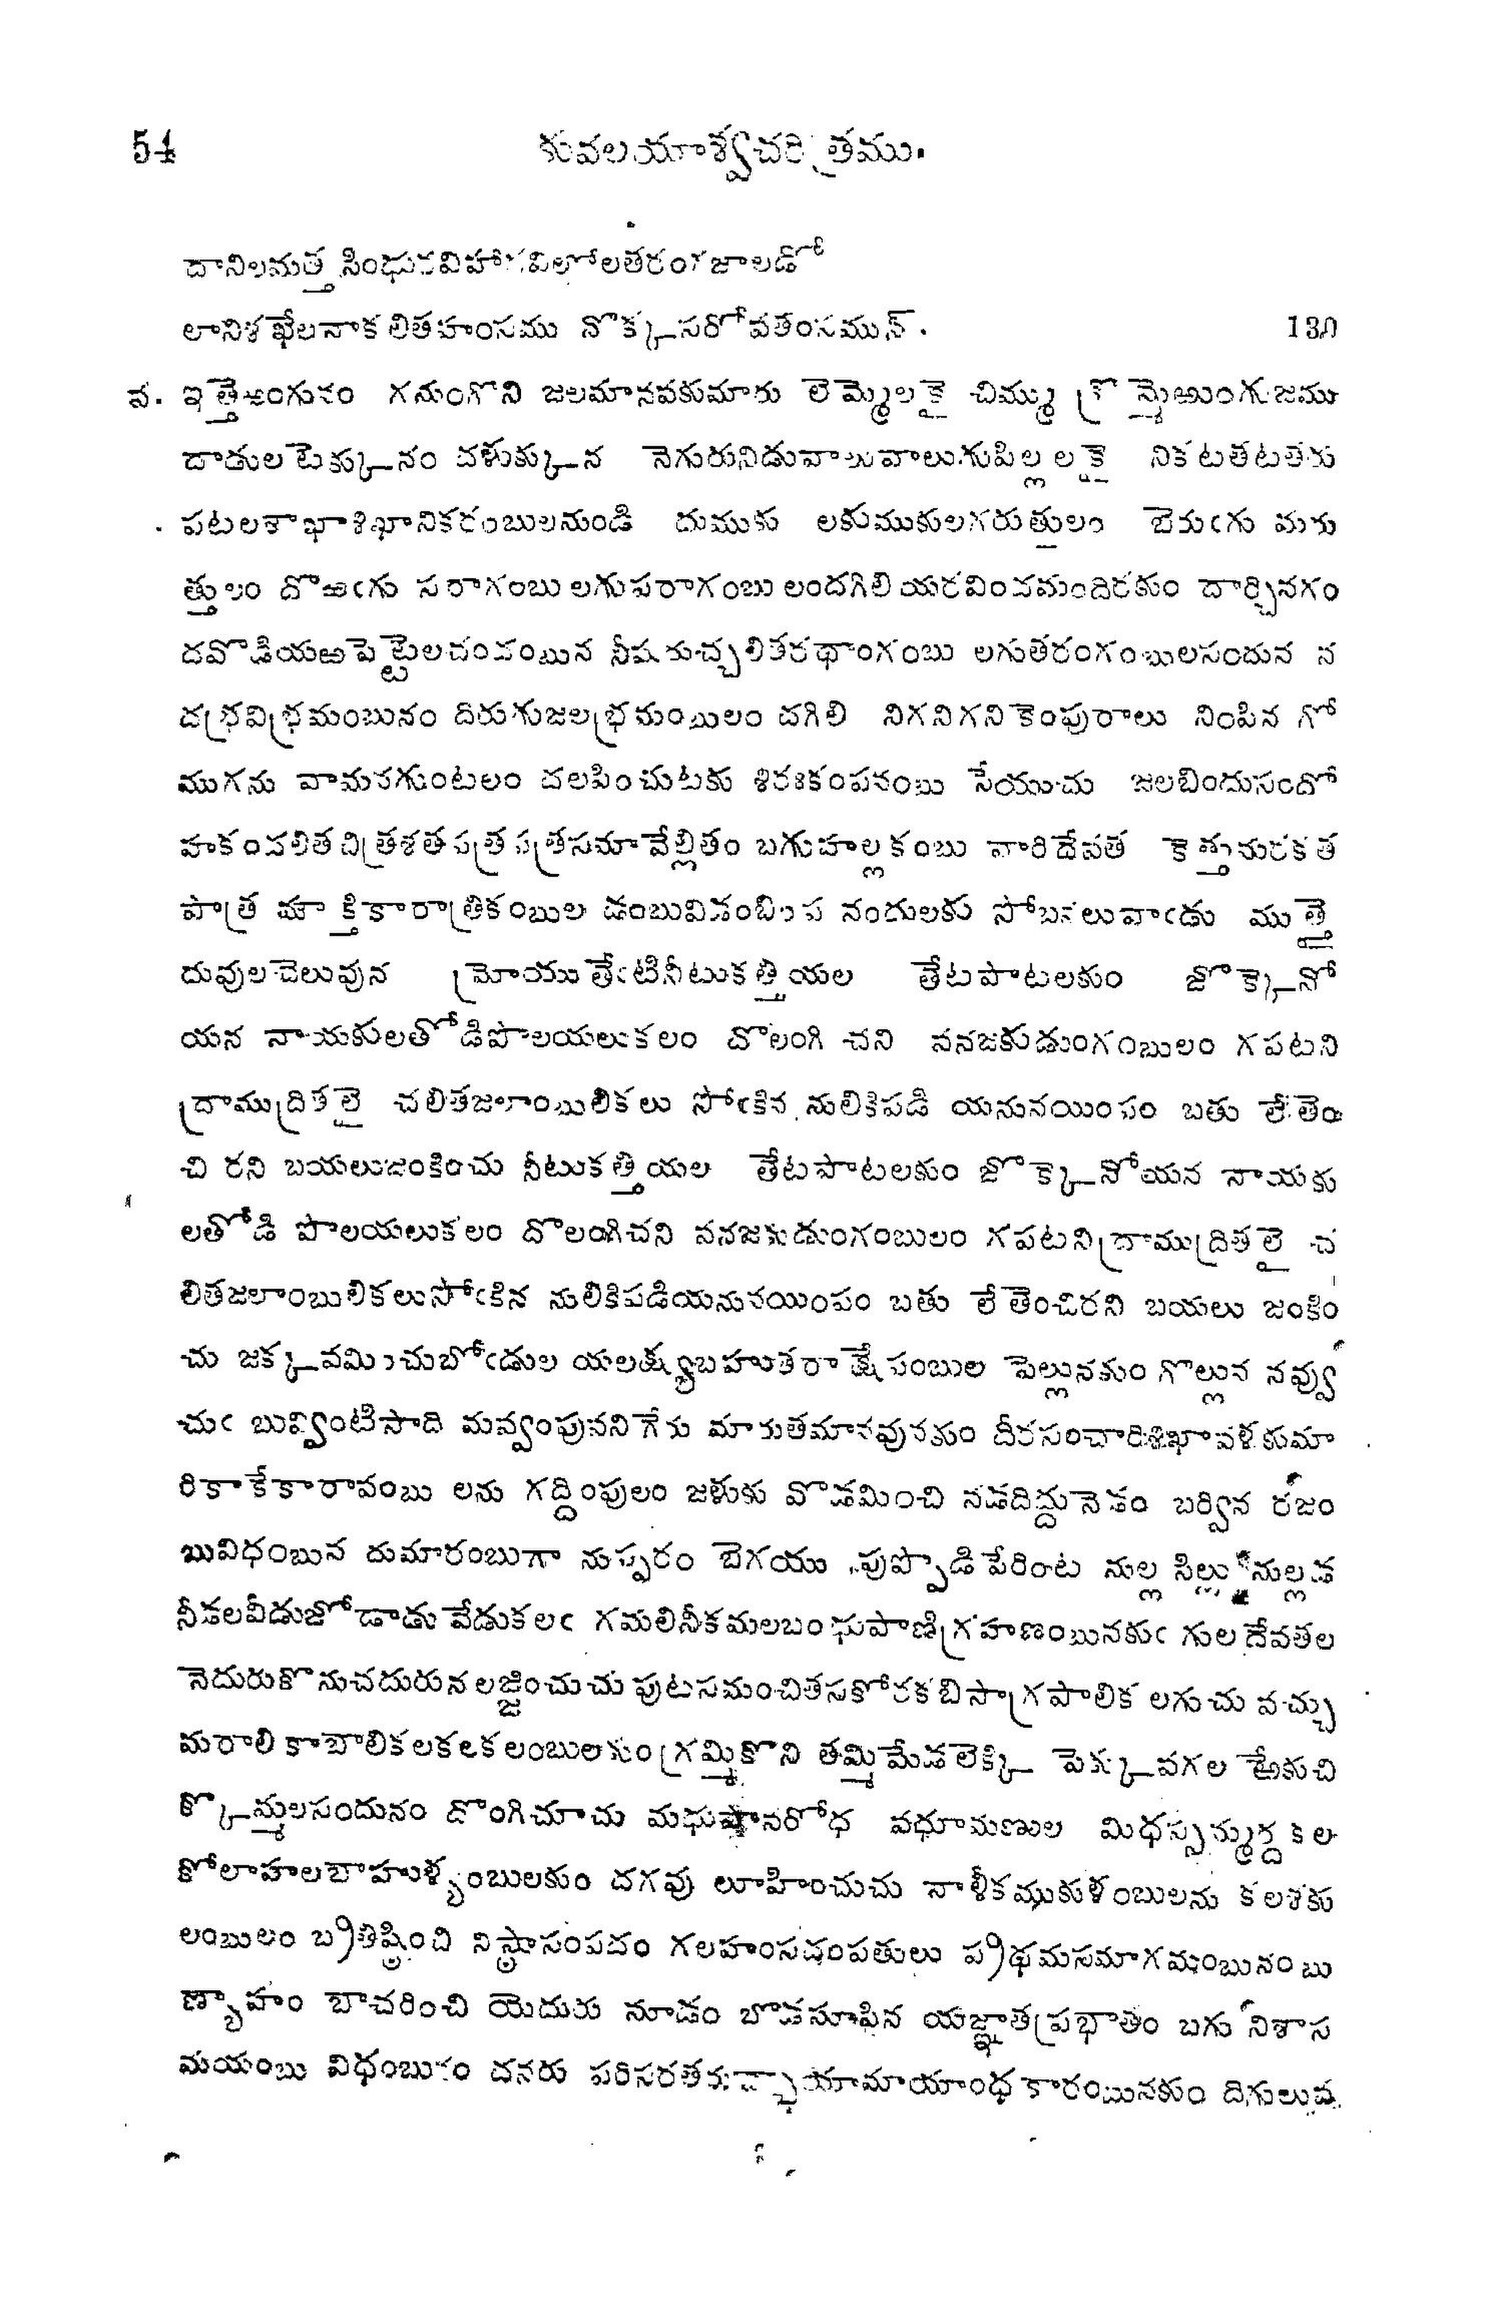దానిలమత్తసిందురవిహారవిలోలతరంగజాలడో
లానిశఖేలనాకలితహంసము నొక్కసరోవతంసమున్.
వ. ఇత్తెఱంగునం గనుంగొని జలమానవకుమారు లెమ్మెలకై చిమ్ము క్రొమ్మెఱుంగుజము
దాడులటెక్కునం దళుక్కున నెగురు నిడువాలువాలుగుపిల్లలకై నికటతటతరు
పటలశాఖాశిఖానికరంబులనుండి దుముకు లకుముకులగరుత్తులం బెరుఁగు మరు
త్తులం దొఱఁగు సరాగంబు లగు పరాగంబులం దగిలి యరవిందమందిరకుం దార్చినగం
దవొడియఱపెట్టెలచందంబున నీషదుచ్చలితరథాంగంబు లగుతరంగంబులసందున న
దభ్రవిభ్రమంబునం దిరుగుజలభ్రమంబులం దగిలి నిగనిగనికెంపురాలు నింపిన గో
ముగను వామనగుంటలం దలపించుటకు శిరఃకంపనంబు సేయుచు జలబిందుసందో
హకందలితచిత్రశతపత్రపత్రసమావేల్లితం బగుహల్లకంబు వారిదేవత కెత్తుమరకత
పాత్రమౌక్తికారాత్రికంబుల డంబు విడంబింప నందులకు సోబనలువాఁడు ముత్తై
దువుల చెలువున మ్రోయు తేఁటినీటుకత్తియల తేటపాటలకుం జొక్కెనో
యన నాయకులతోడి పొలయలుకలం దొలంగి చని వనజకుడుంగంబులం గపటని
ద్రాముద్రితలై చలితజలాంబులికలు సోఁకిన నులికిపడి యనునయింపం బతు లేతెం
చి రని బయలుజంకించు నీటుకత్తియల తేటపాటలకుం జొక్కెనో బయలు జంకిం
చు జక్కవమించుబోఁడుల యలక్ష్యబహుతరాక్షేపంబుల పెల్లునకుం గొల్లున నవ్వు
చుఁ బువ్వింటిసాది మవ్వంపుననిగేరు మారుతమానవునకుం దీరసంచారిశిఖావళకుమా
రికాకేకారావంబు లను గద్దింపులం జళుకు వొడమించి నడదిద్దు నెడం బర్విన రజం
బువిధంబున దుమారంబుగా నుప్పరం బెగయు పుప్పొడిపేరింట నుల్లసిల్లు నుల్లడ
నీడలవీడుజోడాడువేడుకలఁ గమలినీకమలబంధుపాణిగ్రహణంబునకుఁ గులదేవతల
నెదురుకొనుచదురున లజ్జించుచు పుటసమంచితసకోరకబిసాగ్రపాలిక లగుచు వచ్చు
మరాలికాబాలికలకలకలంబులకుం గ్రమ్మికొని తమ్మిమేడ లెక్కి పెక్కువగల ఱేకుచి
క్కొమ్మలసందునం దొంగిచూచు మధుపానరోధవధూమణుల మిధస్సమ్మర్దకల
కోలాహలబాహుళ్యంబులకుం దగవు లూహించుచు నాళీకముకుళంబులను కలశకు
లంబులం బ్రతిష్ఠించి నిష్ఠాసంపదం గలహంసదంపతులు ప్రథమసమాగమంబునం బు
ణ్యాహం బాచరించి యెదురుసూడం బొడసూపిన యజ్ఞాతప్రభాతం బగు నిశాస
మయంబు విధంబుం దనరు పరిసరతరుచ్ఛాయామాయాంధకారంబునకుం దిగులువ